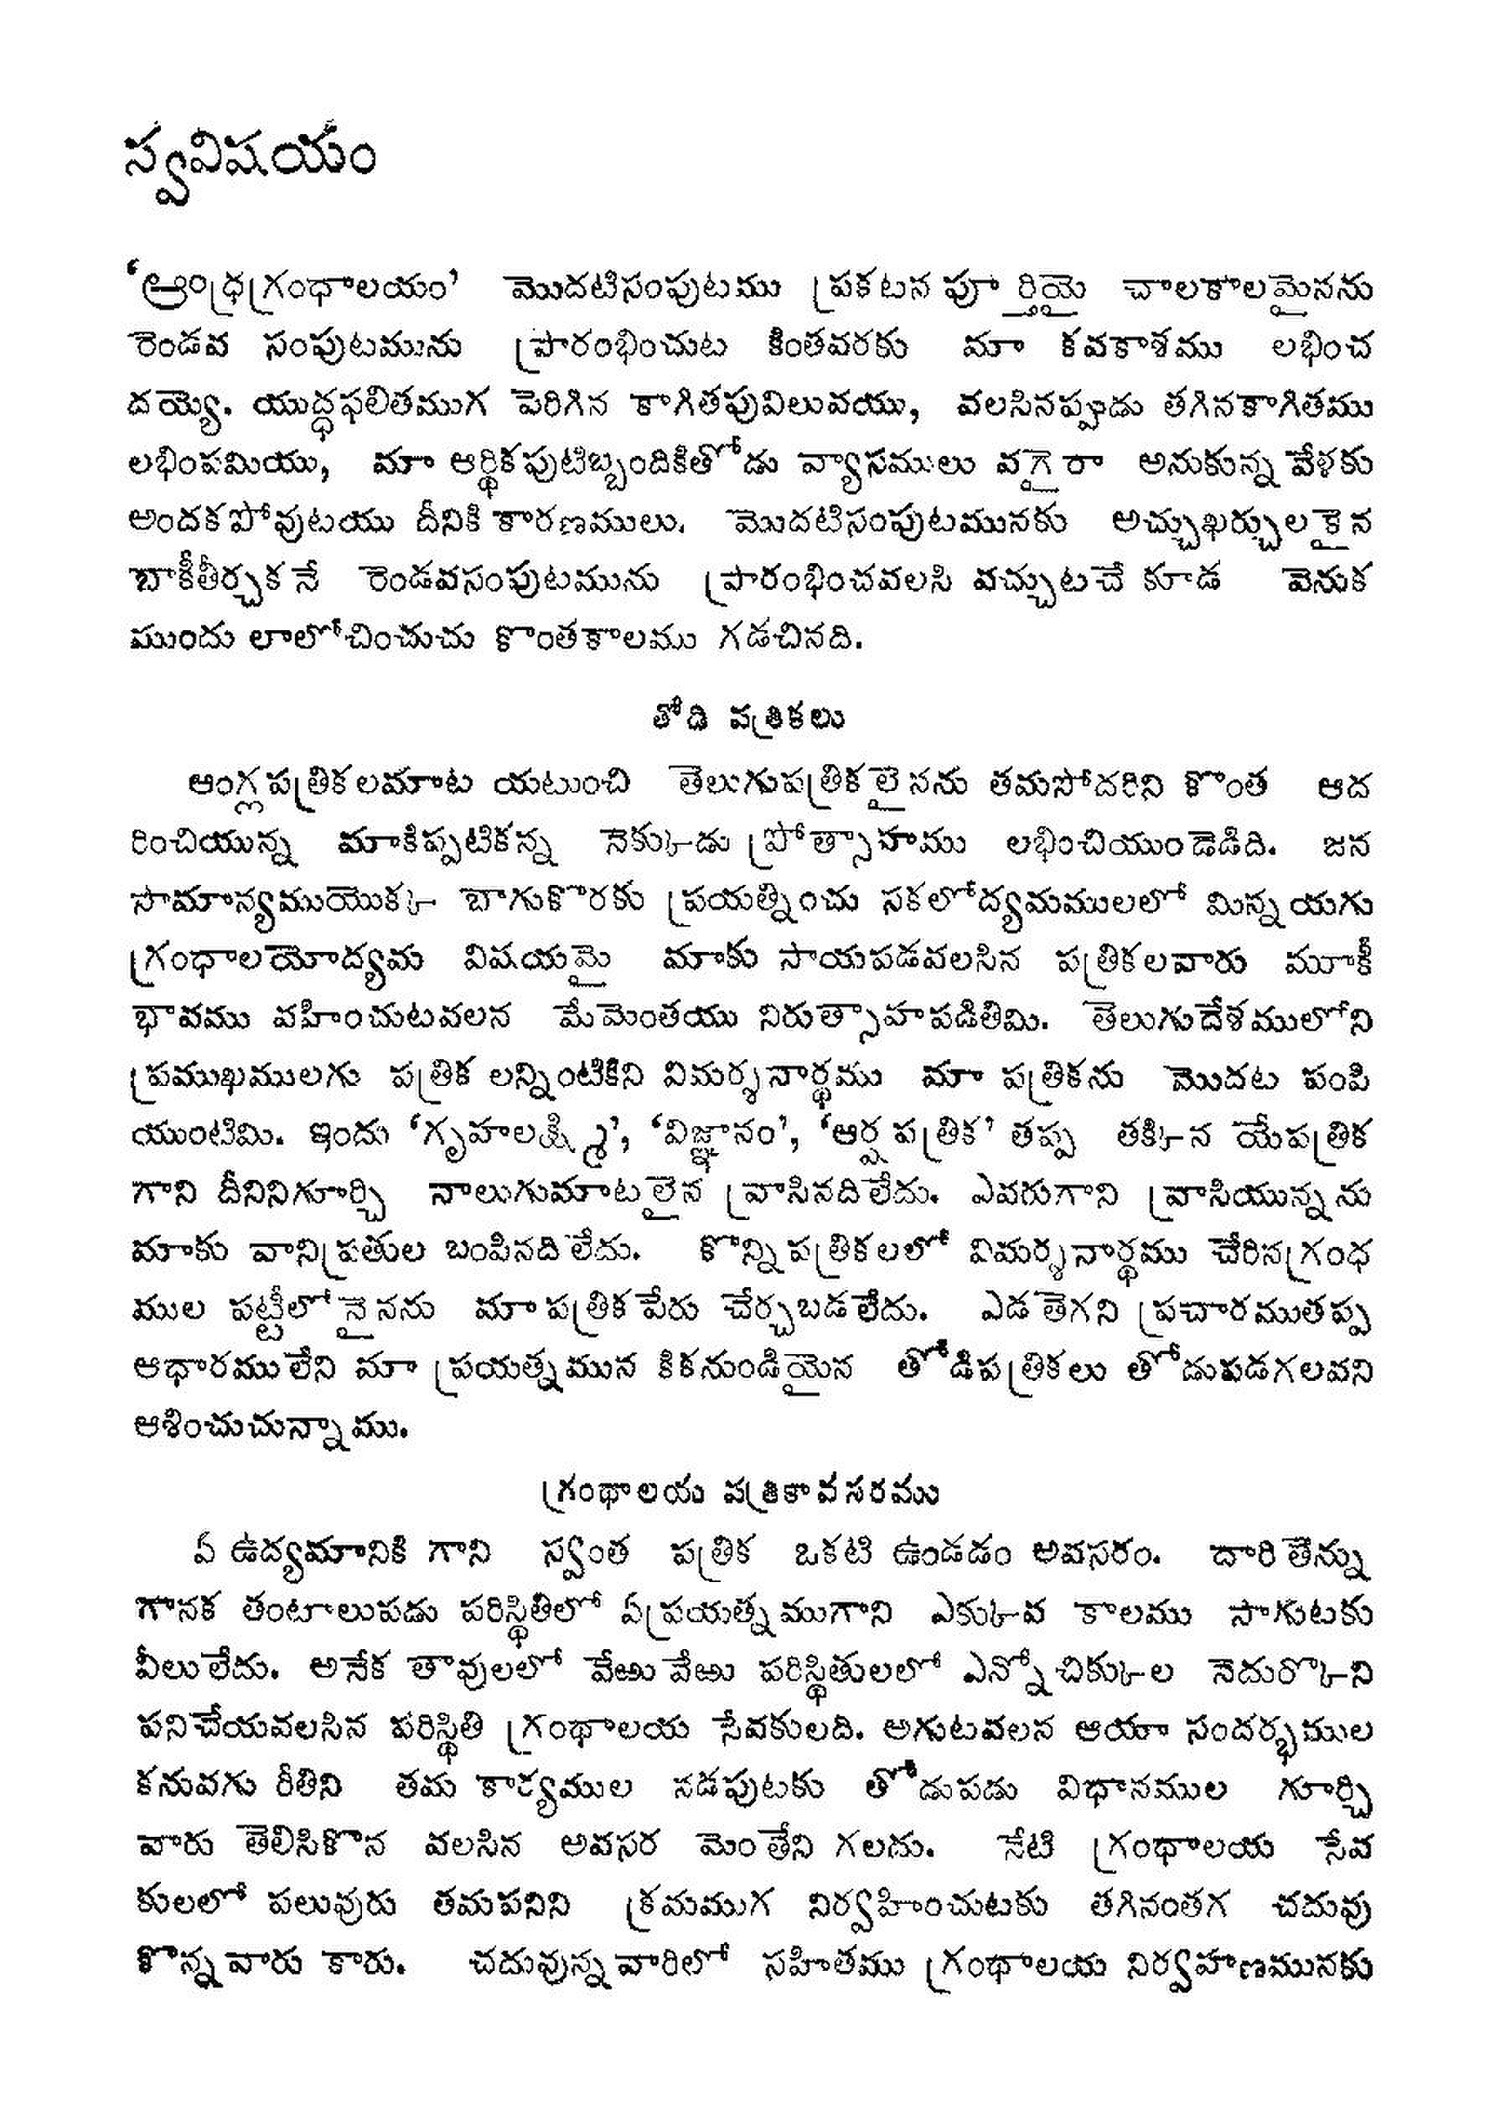స్వవిషయం
'ఆంధ్రగ్రంధాలయం' మొదటి సంపుటము ప్రకటన పూర్తియై చాల కాలమైనను
రెండవ సంపుటమును ప్రారంభించుట కింతవరకు మా కవకాశము లభించ
దయ్యె. యుద్ధ ఫలితముగ పెరిగిన కాగితపు విలువయు, వలసినప్పుడు తగిన కాగితము
లభింపమియు, మా ఆర్థికపుటిబ్బందికి తోడు వ్యాసములు వగైరా అనుకున్న వేళకు
అందకపోవుటయు దీనికి కారణములు. మొదటి సంపుటమునకు అచ్చుఖర్చులకైన
బాకీ తీర్చకనే రెండవసంపుటమును ప్రారంభించవలసి వచ్చుట చే కూడ
ముందు లాలోచించుచు కొంతకాలము గడచినది.

తోడి పత్రికలు

ఆంగ్ల పత్రికలమాట యటుంచి తెలుగు పత్రికలైనను తమసోదరిని కొంత ఆద
రించియున్న మాకిప్పటికన్న నెక్కుడు ప్రోత్సాహము లభించియుండెడిది. జన
సామాన్యముయొక్క బాగుకొరకు ప్రయత్నించు సకలోద్యమములలో మిన్న యగు
గ్రంధాలయోద్యమ విషయమై మాకు సాయపడవలసిన పత్రికలవారు మూకీ
భావము వహించుటవలన మేమెంతయు నిరుత్సాహపడితిమి. తెలుగుదేశములోని
ప్రముఖములగు పత్రికలన్నింటికిని విమర్శ నార్థము మా పత్రికను మొదట పంపి
యుంటిమి. ఇందు 'గృహలక్ష్మి', 'విజ్ఞానం', 'ఆర్హపత్రిక' తప్ప తక్కిన యేపత్రిక
గాని దీనిని గూర్చి నాలుగుమాటలైన వ్రాసినది లేదు. ఎవరుగాని వ్రాసియున్నను
మాకు వానిప్రతుల బంపినది లేదు. కొన్ని పత్రికలలో విమర్శనార్థము చేరిన గ్రంధ
ముల పట్టీలో నైనను మా పత్రిక పేరు చేర్చబడలేదు. ఎడతెగని ప్రచారముతప్ప
ఆధారము లేని మా ప్రయత్నమున కీకనుండి యైన తోడి పత్రికలు తోడుపడగలవని
ఆశించుచున్నాము.

ఏ ఉద్యమానికి గాని స్వంత పత్రిక ఒకటి ఉండడం అవసరం. దారి తెన్ను
గానక తంటాలుపడు పరిస్థితిలో ఏ ప్రయత్నముగాని ఎక్కువ కాలము సాగుటకు
వీలు లేదు. అనేక తావులలో వేఱు వేఱు పరిస్థితులలో ఎన్నో చిక్కుల నెదుర్కొని
పని చేయవలసిన పరిస్థితి గ్రంథాలయ సేవకులది. అగుటవలన ఆయా సందర్భముల
కనువగు రీతిని తమ కార్యములు నడపుటకు తోడుపడు విధానముల గూర్చి
వారు తెలిసికొన వలసిన అవసర మెంతేని గలదు. నేటి గ్రంథాలయ సేవ
కులలో పలువురు తమ పనిని క్రమముగ నిర్వహించుటకు తగినంతగ చదువు
కొన్న వారు కారు. చదువున్న వారిలో సహితము గ్రంథాలయ నిర్వహణమునకు